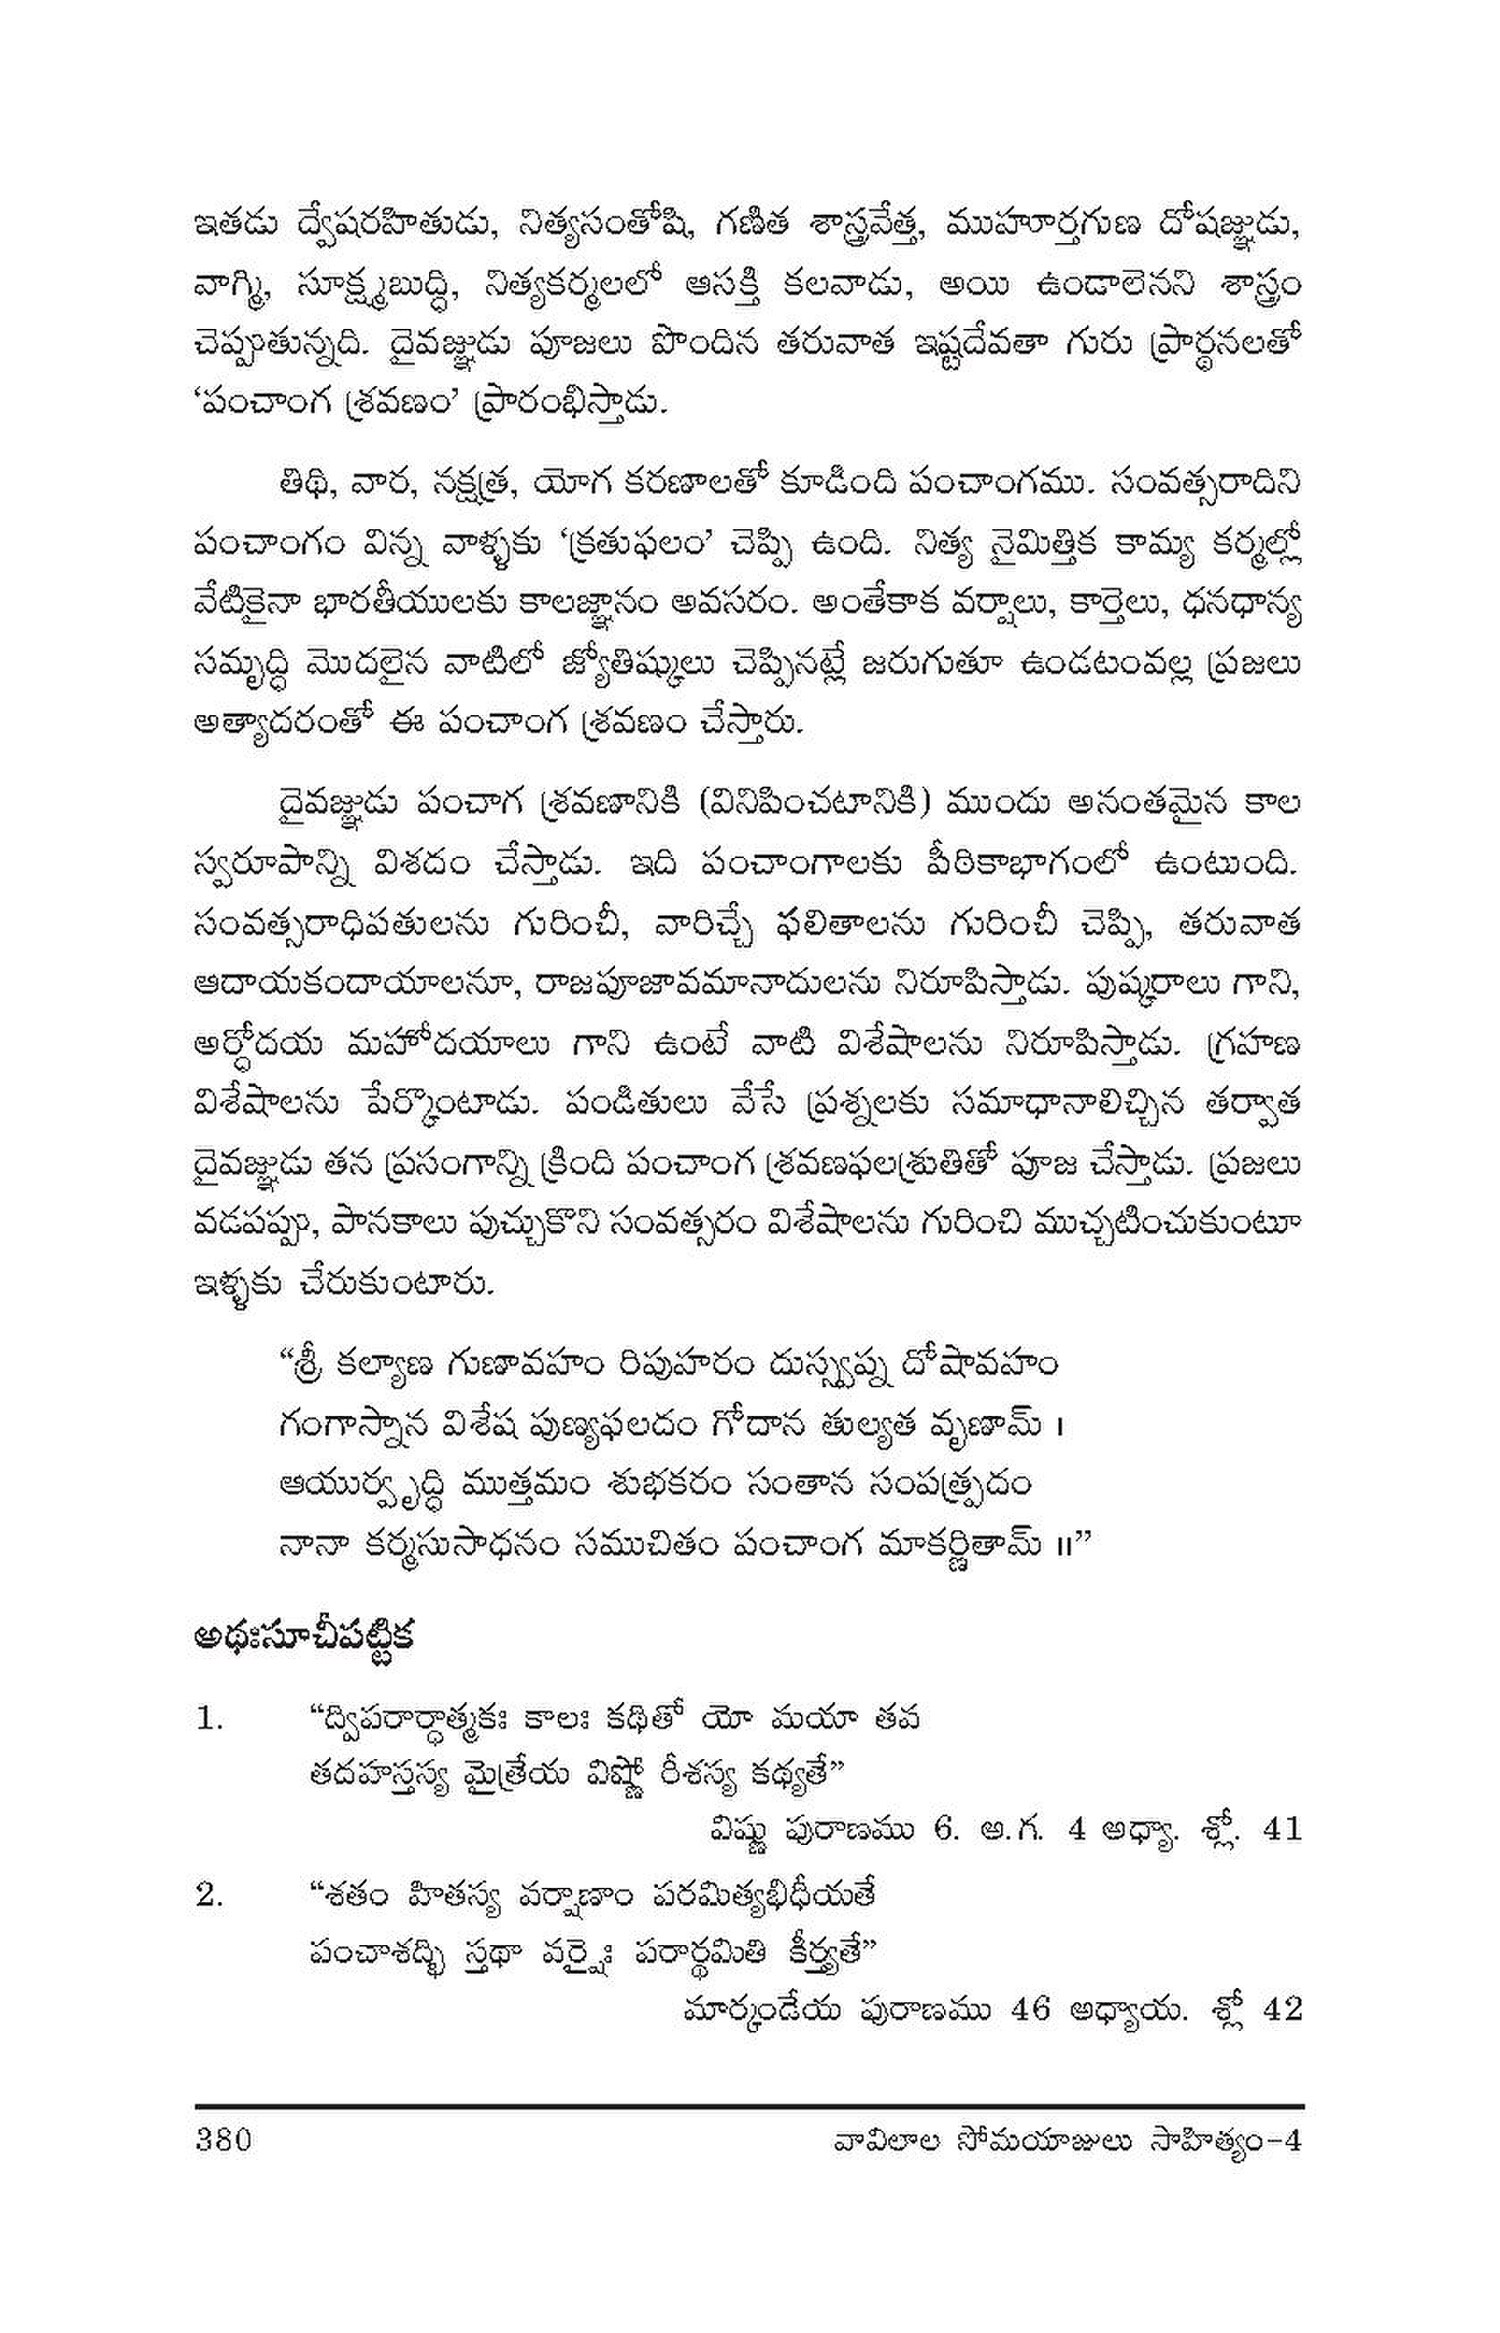ఇతడు ద్వేషరహితుడు, నిత్యసంతోషి, గణిత శాస్త్రవేత్త, ముహూర్తగుణ దోషజ్ఞుడు,
వాగ్మి, సూక్ష్మబుద్ధి, నిత్యకర్మలలో ఆసక్తి కలవాడు, అయి ఉండాలెనని శాస్త్రం
చెప్పుతున్నది. దైవజ్ఞుడు పూజలు పొందిన తరువాత ఇష్టదేవతా గురు ప్రార్థనలతో
'పంచాంగ శ్రవణం' ప్రారంభిస్తాడు.

తిథి, వార, నక్షత్ర, యోగ కరణాలతో కూడింది పంచాంగము. సంవత్సరాదిని
పంచాంగం విన్న వాళ్ళకు 'క్రతుఫలం' చెప్పి ఉంది. నిత్య నైమిత్తిక కామ్య కర్మల్లో
వేటికైనా భారతీయులకు కాలజ్ఞానం అవసరం. అంతేకాక వర్షాలు, కార్తెలు, ధనధాన్య
సమృద్ధి మొదలైన వాటిలో జ్యోతిష్కులు చెప్పినట్లే జరుగుతూ ఉండటంవల్ల ప్రజలు
అత్యాదరంతో ఈ పంచాంగ శ్రవణం చేస్తారు.

దైవజ్ఞుడు పంచాగ శ్రవణానికి (వినిపించటానికి) ముందు అనంతమైన కాల
స్వరూపాన్ని విశదం చేస్తాడు. ఇది పంచాంగాలకు పీఠికాభాగంలో ఉంటుంది.
సంవత్సరాధిపతులను గురించీ, వారిచ్చే ఫలితాలను గురించీ చెప్పి, తరువాత
ఆదాయకందాయాలనూ, రాజపూజావమానాదులను నిరూపిస్తాడు. పుష్కరాలు గాని,
అర్ధోదయ మహోదయాలు గాని ఉంటే వాటి విశేషాలను నిరూపిస్తాడు. గ్రహణ
విశేషాలను పేర్కొంటాడు. పండితులు వేసే ప్రశ్నలకు సమాధానాలిచ్చిన తర్వాత
దైవజ్ఞుడు తన ప్రసంగాన్ని క్రింది పంచాంగ శ్రవణఫలశ్రుతితో పూజ చేస్తాడు. ప్రజలు
వడపప్పు, పానకాలు పుచ్చుకొని సంవత్సరం విశేషాలను గురించి ముచ్చటించుకుంటూ
ఇళ్ళకు చేరుకుంటారు.

"శ్రీ కల్యాణ గుణావహం రిపుహరం దుస్స్వప్న దోషావహం
గంగాస్నాన విశేష పుణ్యఫలదం గోదాన తుల్యత వృణామ్ |
ఆయుర్వృద్ధి ముత్తమం శుభకరం సంతాన సంపత్ప్రదం
నానా కర్మసుసాధనం సముచితం పంచాంగ మాకర్ణితామ్ ||" 

అథఃసూచీపట్టిక

1. "ద్విపరార్థాత్మకః కాలః కథితో యో మయా తవ
తదహస్తస్య మైత్రేయ విష్ణో రీశస్య కథ్యతే” విష్ణు పురాణము 6. అ.గ. 4 అధ్యా. శ్లో. 41 

2. "శతం హితస్య వర్షాణాం పరమిత్యభిధీయతే
పంచాశద్భి స్తథా వరైః పరార్థమితి కీర్త్యతే" మార్కండేయ పురాణము 46 అధ్యాయ. శ్లో 42